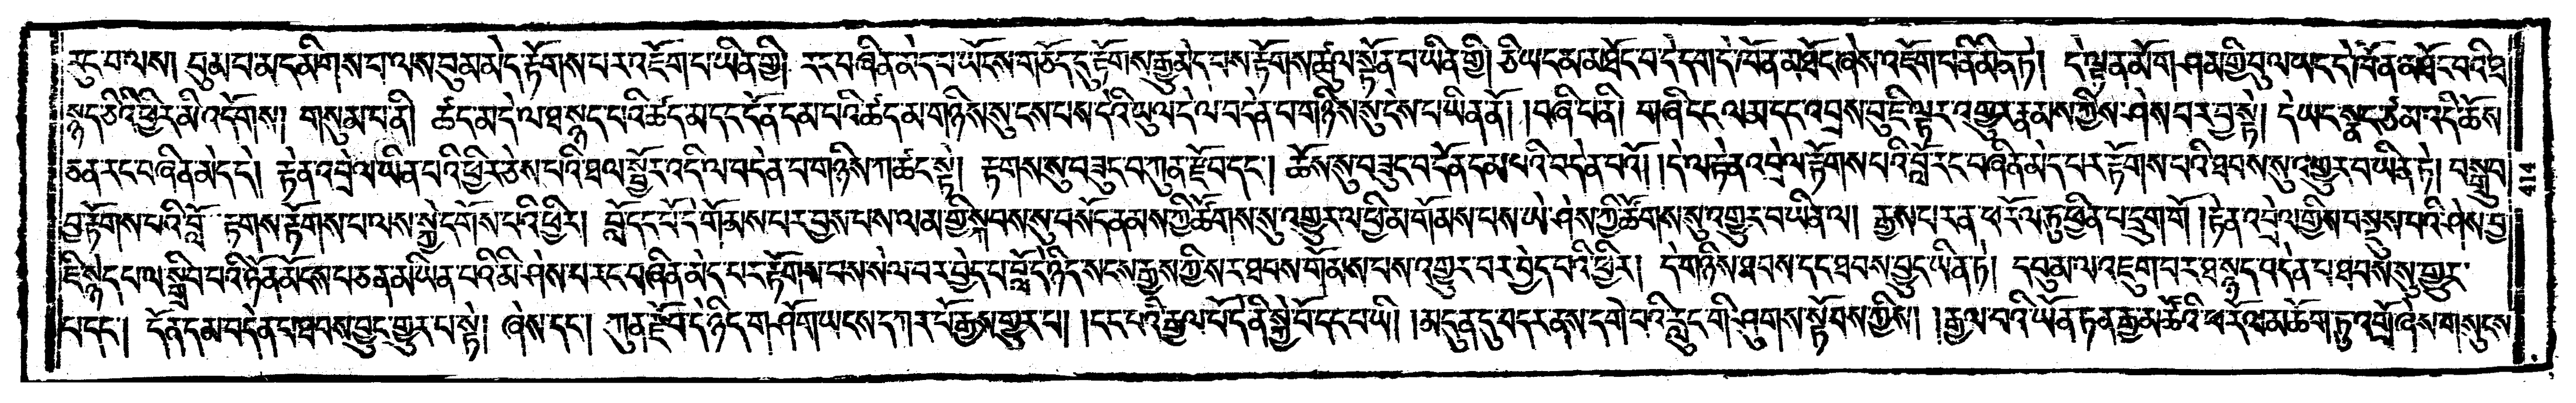རུང་བ་ལས། བུམ་པ་མ་དམིགས་པ་ལས་བུམ་མེད་རྟོགས་པར་འཇོག་པ་ཡིན་གྱི། རང་བཞིན་མེད་པ་ཡོངས་གཅོད་དུ་རྟོགས་རྒྱུ་མེད་པས་རྟོགས་ཚུལ་སྟོན་པ་ཡིན་གྱི། ཅི་ཡང་མ་མཐོང་བ་དེ་དག་དེ་ཁོ་ན་མཐོང་ཞེས་འཇོག་པ་ནི་མིན་ཏེ། དེ་ལྟ་ན་མོ་གཤམ་གྱི་བུ་ལ་ཡང་དེ་ཁོ་ན་མཐོང་བའི་ཐ་
སྙད་ཅིའི་ཕྱིར་མི་འདོགས། གསུམ་པ་ནི། ཚད་མ་དེ་ལ་ཐ་སྙད་པའི་ཚད་མ་དང་དོན་དམ་པའི་ཚད་མ་གཉིས་སུ་ངས་པས་དེའི་ཡུལ་དེ་ལ་བདེན་པ་གཉིས་སུ་ངེས་པ་ཡིན་ནོ། །བཞི་པ་ནི། གཞི་དང་ལམ་དང་འབྲས་བུ་ཇི་ལྟར་འགྱུར་རྣམས་ཀྱིས་ཤེས་པར་བྱ་སྟེ། དེ་ཡང་སྣང་ཙམ་འདི་ཆོས་
ཅན་རང་བཞིན་མེད་དེ། རྟེན་འབྲེལ་ཡིན་པའི་ཕྱིར་ཅེས་པའི་ཐལ་སྦྱོར་འདི་ལ་བདེན་པ་གཉིས་ཀ་ཚང་སྟེ། རྟགས་སུ་བཟུང་བ་ཀུན་རྫོབ་དང་། ཆོས་སུ་བཟུང་བ་དོན་དམ་པའི་བདེན་པའོ། །དེ་ལ་རྟེན་འབྲེལ་རྟོགས་པའི་བློ་རང་བཞིན་མེད་པར་རྟོགས་པའི་ཐབས་སུ་འགྱུར་བ་ཡིན་ཏེ། བསྒྲུབ་
བྱ་རྟོགས་པའི་བློ་རྟགས་རྟོགས་པ་ལས་སྐྱེ་དགོས་པའི་ཕྱིར། བློ་དང་པོ་དེ་གོམས་པར་བྱས་པས་ལམ་གྱི་སྐབས་སུ་བསོད་ནམས་ཀྱི་ཚོགས་སུ་འགྱུར་ལ་ཕྱི་མ་གོམས་པས་ཡེ་ཤེས་ཀྱི་ཚོགས་སུ་འགྱུར་བ་ཡིན་ལ། རྒྱས་པར་ན་ཕ་རོལ་ཏུ་ཕྱིན་པ་དྲུག་གོ །རྟེན་འབྲེལ་གྱིས་བསྡུས་པའི་ཤེས་བྱ་
ཇི་སྙེད་པ་ལ་སྒྲིབ་པའི་ཉོན་མོངས་པ་ཅན་མ་ཡིན་པའི་མི་ཤེས་པ་རང་བཞིན་མེད་པར་རྟོགས་པས་སེལ་བར་བྱེད་པ་བློ་དེ་ཉིད་སངས་རྒྱས་ཀྱི་སར་ཐབས་གོམས་པས་འགྱུར་བར་བྱེད་པའི་ཕྱིར། དེ་གཉིས་ཐབས་དང་ཐབས་བྱུང་ཡིན་ཏེ། དབུ་མ་ལ་འཇུག་པར་ཐ་སྙད་བདེན་པ་ཐབས་སུ་གྱུར་
པ་དང་། དོན་དམ་བདེན་པ་ཐབས་བྱུང་གྱུར་པ་སྟེ། ཞེས་དང་། ཀུན་རྫོབ་དེ་ཉིད་གཤོག་ཡངས་དཀར་པོ་རྒྱས་གྱུར་པ། །དད་པའི་རྒྱལ་པོ་དེ་ནི་སྐྱེ་བོ་དང་པ་ཡི། །མདུན་དུ་བདར་ནས་དགེ་བའི་རླུང་གི་ཤུགས་སྟོབས་ཀྱིས། །རྒྱལ་བའི་ཡོན་ཏན་རྒྱ་མཚོའི་ཕ་རོལ་མཆོག་ཏུ་འགྲོ་ཞེས་གསུངས་